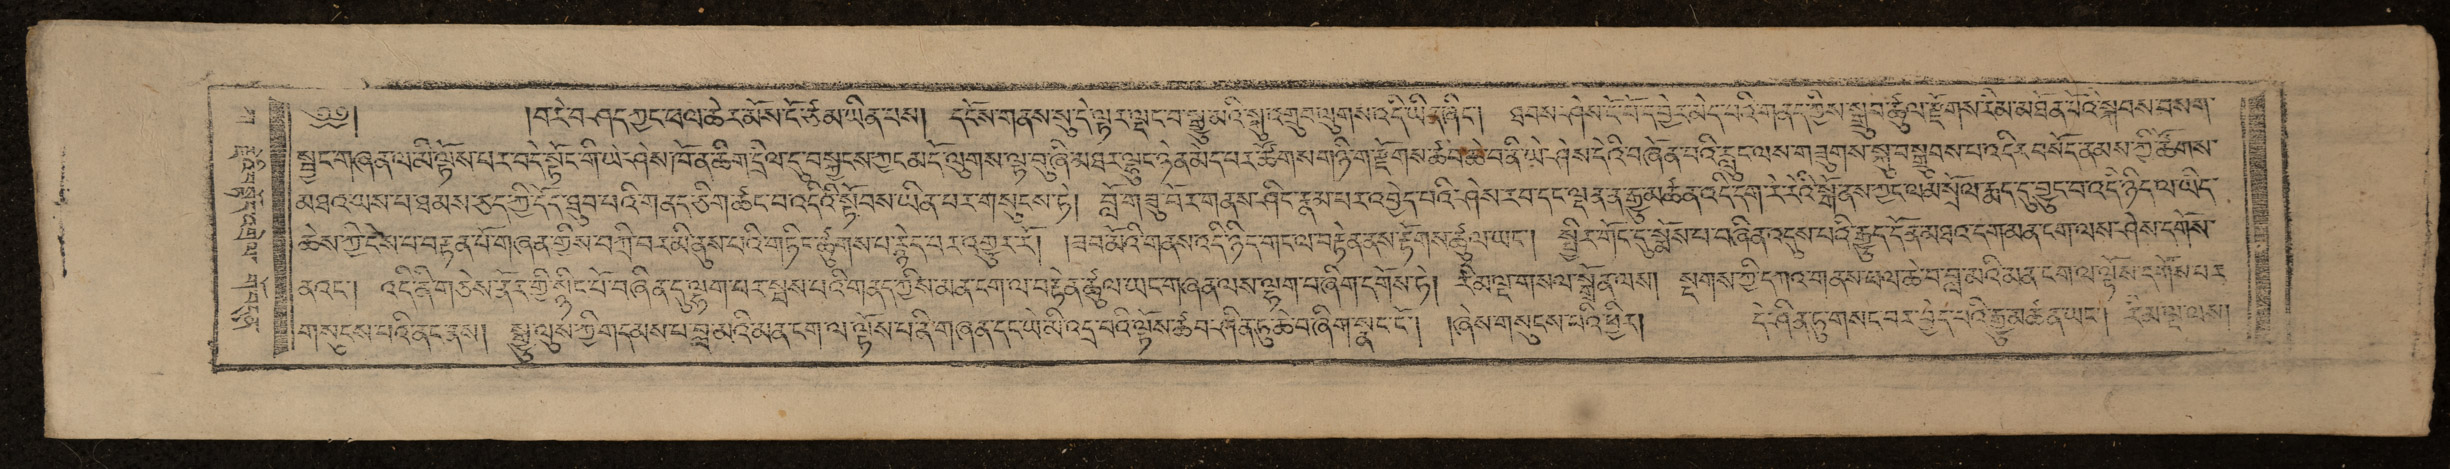༄༅། །བྲེ་བཤད་ཀྱང་ཕལ་ཆེར་མོས་ངོ་ཙམ་ཡིན་པས། དངོས་གནས་སུ་དེ་ལྟར་ལྡང་བ་སྒྱུ་མའི་སྐུ་འགྲུབ་ལུགས་འདི་ཡིན་ཞིང་། ཐབས་ཤེས་ངོ་པོ་དབྱེར་མེད་པའི་གནད་ཀྱིས་སྒྲུབ་ཚུལ་རྫོགས་རིམ་མཐོན་པོའི་སྐབས་བསག་
སྦྱང་གཞན་ལ་མི་ལྟོས་པར་བདེ་སྟོང་གི་ཡེ་ཤེས་ཁོ་ན་ཆིག་དྲིལ་དུ་བསྐྱངས་ཀྱང་མདོ་ལུགས་ལྟ་བུ་ཞི་མཐར་ལྷུང་ཉེན་མེད་པར་ཚོགས་གཉི་ག་རྫོགས་ཚབ་ཆེ་བ་ནི་ཡེ་ཤེས་དེའི་བཞོན་པའི་རླུང་ལས་གཟུགས་སྐུ་བསྒྲུབས་པ་འདིར་བསོད་ནམས་ཀྱི་ཚོགས་
མཐའ་ཡས་པ་ཐམས་ཅད་ཀྱི་དོད་ཐུབ་པའི་གནད་ཅིག་ཚང་བ་འདིའི་སྟོབས་ཡིན་པར་གསུངས་ཏེ། བློ་གཟུ་པོར་གནས་ཤིང་རྣམ་པར་འབྱེད་པའི་ཤེས་རབ་དང་ལྡན་ན་རྒྱུ་མཚན་འདི་དག་རེ་རེའི་སྒོ་ནས་ཀྱང་ལམ་སྲོལ་རྨད་དུ་བྱུང་བ་འདི་ཉིད་ལ་ཡིད་
ཆེས་ཀྱི་ངེས་པ་བརྟན་པོ་གཞན་གྱིས་བཀྲི་བར་མི་ནུས་པའི་གཏིང་ཚུགས་པ་རྙེད་པར་འགྱུར་རོ། །ཟབ་མོའི་གནས་འདི་ཉིད་གང་ལ་བརྟེན་ནས་རྟོགས་ཚུལ་ཡང་། སྤྱིར་གོང་དུ་སྨོས་པ་བཞིན་འདུས་པའི་རྒྱུད་དོན་མཐའ་དག་མན་ངག་ལས་ཤེས་དགོས་
ནའང་། འདི་ནི་གཅེས་ནོར་གྱི་སྙིང་པོ་བཞིན་དུ་ལྷག་པར་སྦས་པའི་གནད་ཀྱིས་མན་ངག་ལ་བརྟེན་ཚུལ་ཡང་གཞན་ལས་ལྷག་པ་ཞིག་དགོས་ཏེ། རིམ་ལྔ་གསལ་སྒྲོན་ལས། སྔགས་ཀྱི་དཀའ་གནས་ཕལ་ཆེ་བ་བླ་མའི་མན་ངག་ལ་ལྟོས་དགོས་པར་
གསུངས་པའི་ནང་ནས། སྒྱུ་ལུས་ཀྱི་གདམས་པ་བླ་མའི་མན་ངག་ལ་ལྟོས་བ་ནི་གཞན་དང་ཡེ་མི་འདྲ་བའི་ལྟོས་ཚབ་ཤིན་ཏུ་ཆེ་བ་ཞིག་སྣང་ངོ། །ཞེས་གསུངས་པའི་ཕྱིར། དེ་ཤིན་ཏུ་གསང་བར་བྱེད་པའི་རྒྱུ་མཚན་ཡང་། རིམ་ལྔ་ལས།